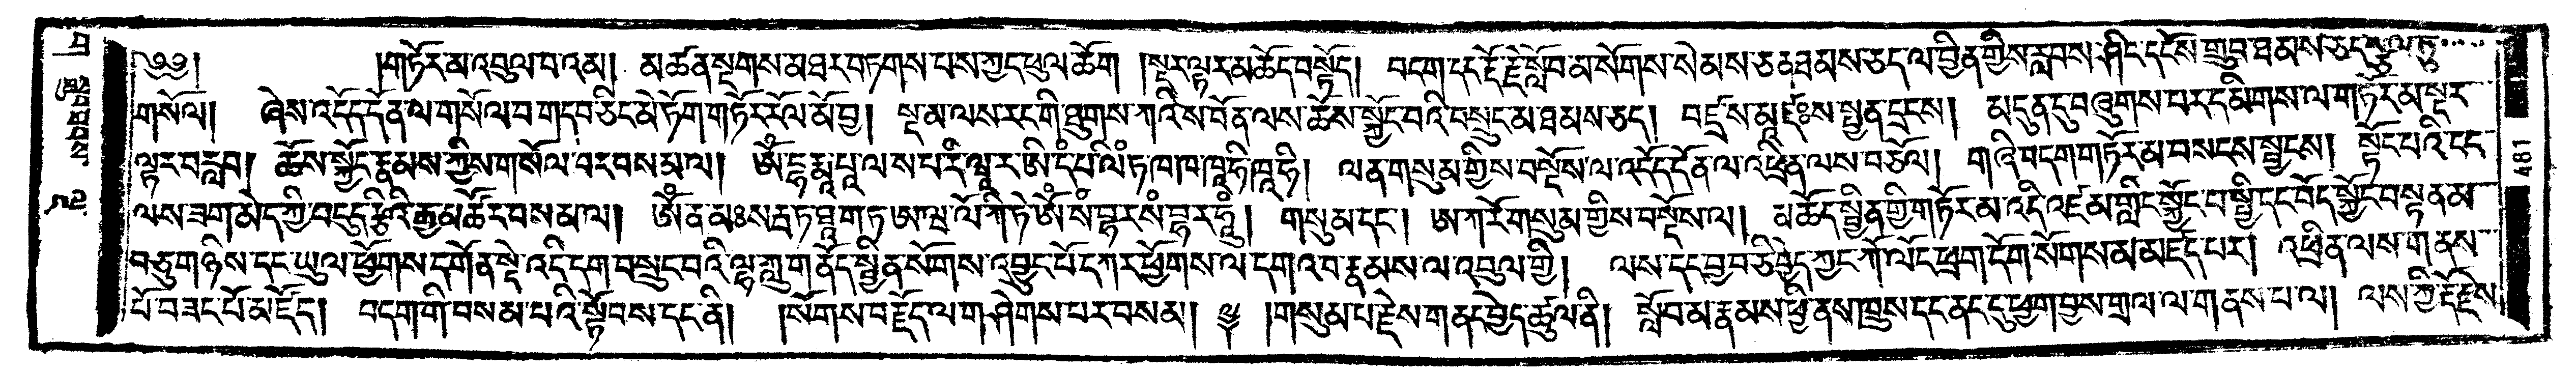༄༅། །གཏོར་མ་འབུལ་བ་འམ། མཚན་སྔགས་མཐར་བཏགས་པས་ཀྱང་ཕུལ་ཆོག །སྔར་ལྟར་མཆོད་བསྟོད། བདག་དང་རྡོ་རྗེ་སློབ་མ་སོགས་སེམས་ཅན་ཐམས་ཅད་ལ་བྱིན་གྱིས་རླབས་ཤིང་དངོས་གྲུབ་ཐམས་ཅད་སྩལ་ཏུ་
གསོལ། ཞེས་འདོད་དོན་ལ་གསོལ་བ་གདབ་ཅིང་མེ་ཏོག་གཏོར་རོལ་མོ་བྱ། སྔ་མ་ལས་རང་གི་ཐུགས་ཀའི་ས་བོན་ལས་ཆོས་སྐྱོང་བའི་བསྲུང་མ་ཐམས་ཅད། བཛྲ་ས་མཱ་ཛཿས་སྤྱན་དྲངས། མདུན་དུ་བཞུགས་པར་དམིགས་ལ་གཏོར་མ་སྔར་
ལྟར་བརླབ། ཆོས་སྐྱོང་རྣམས་ཀྱིས་གསོལ་བར་བསམ་ལ། ཨོཾ་དྷརྨཱ་པཱ་ལ་ས་པ་རི་ཝཱ་ར་ཨི་དཾ་པ་ལིཾ་ཏ་ཁ་ཁ་ཁཱ་ཧི་ཁཱ་ཧི། ལན་གསུམ་གྱིས་བསྔོས་ལ་འདོད་དོན་ལ་འཕྲིན་ལས་བཅོལ། གཞི་བདག་གཏོར་མ་བསངས་སྦྱངས། སྟོང་པའི་ངང་
ལས་ཟག་མེད་ཀྱི་བདུད་རྩིའི་རྒྱ་མཚོར་བསམ་ལ། ཨོཾ་ན་མཿསརྦ་ཏ་ཐཱ་ག་ཏ་ཨ་ཝ་ལོ་ཀི་ཏེ་ཨོཾ་སཾ་བྷ་ར་སཾ་བྷ་ར་ཧཱུཾ། གསུམ་དང་། ཨ་ཀ་རོ་གསུམ་གྱིས་བསྔོས་ལ། མཆོད་སྦྱིན་གྱི་གཏོར་མ་འདི་འཛམ་གླིང་སྐྱོང་བ་སྤྱི་དང་བོད་སྐྱོང་བསྟན་མ་
བཅུ་གཉིས་དང་ཡུལ་ཕྱོགས་དགོན་སྡེ་འདི་དག་བསྲུང་བའི་ལྷ་ཀླུ་གནོད་སྦྱིན་སོགས་འབྱུང་པོ་དཀར་ཕྱོགས་ལ་དགའ་བ་རྣམས་ལ་འབུལ་གྱི། ལས་དང་བྱ་བ་ཅི་བྱེད་ཀྱང་ཀོ་ལོང་ཕྲག་དོག་སོགས་མ་མཛད་པར། འཕྲིན་ལས་གནས་
པོ་བཟང་པོ་མཛོད། བདག་གི་བསམ་པའི་སྟོབས་དང་ནི། །སོགས་བརྗོད་ལ་གཤེགས་པར་བསམ། ༈ །གསུམ་པ་རྗེས་གནང་བྱེད་ཚུལ་ནི། སློབ་མ་རྣམས་ཕྱི་ནས་ཁྲུས་དང་ནང་དུ་ཕྱག་བྱས་གྲལ་ལ་གནས་པ་ལ། ལས་ཀྱི་རྡོ་རྗེས་